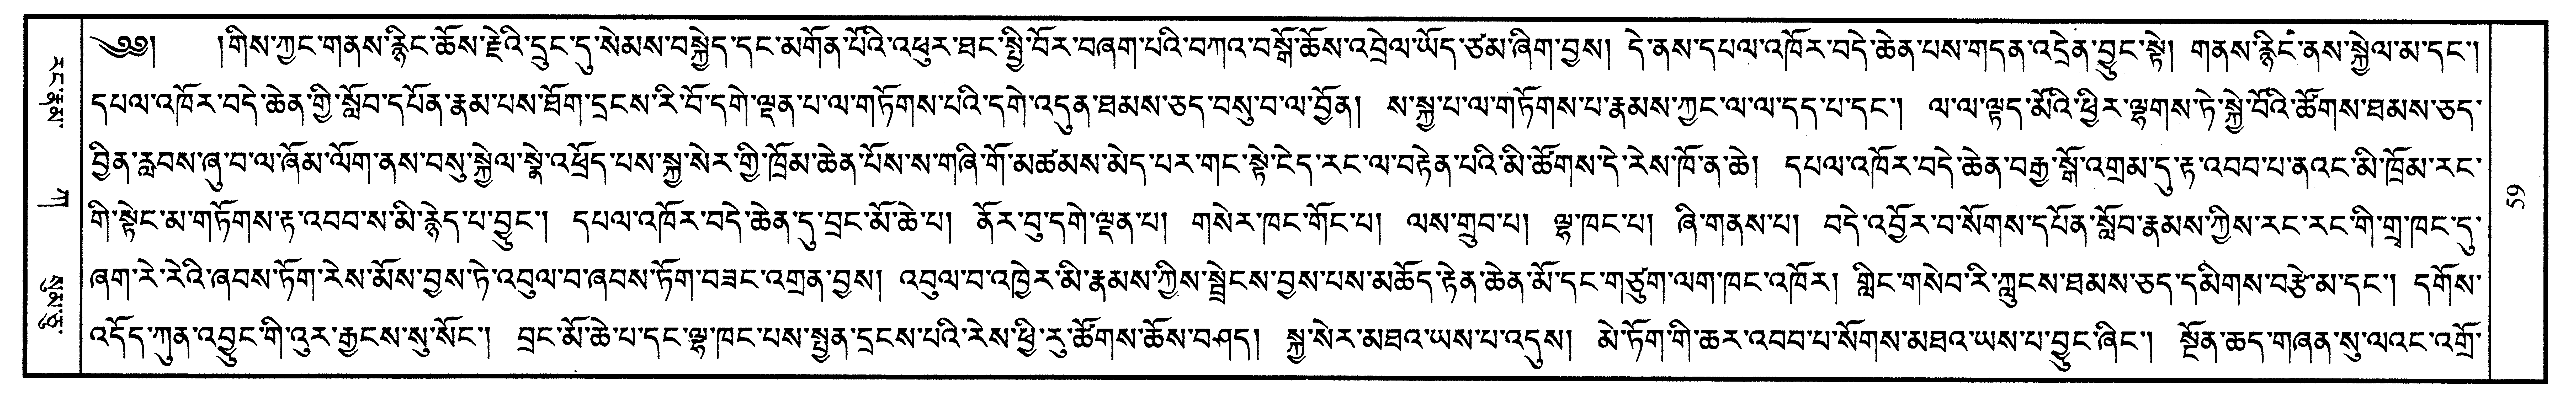༄༅། །གིས་ཀྱང་གནས་རྙིང་ཆོས་རྗེའི་དྲུང་དུ་སེམས་བསྐྱེད་དང་མགོན་པོའི་འཕུར་ཐང་སྤྱི་བོར་བཞག་པའི་བཀའ་བསྒོ་ཆོས་འབྲེལ་ཡོད་ཙམ་ཞིག་བྱས། དེ་ནས་དཔལ་འཁོར་བདེ་ཆེན་པས་གདན་འདྲེན་བྱུང་སྟེ། གནས་རྙིང་ནས་སྐྱེལ་མ་དང་།
དཔལ་འཁོར་བདེ་ཆེན་གྱི་སློབ་དཔོན་རྣམ་པས་ཐོག་དྲངས་རི་བོ་དགེ་ལྡན་པ་ལ་གཏོགས་པའི་དགེ་འདུན་ཐམས་ཅད་བསུ་བ་ལ་བྱོན། ས་སྐྱ་པ་ལ་གཏོགས་པ་རྣམས་ཀྱང་ལ་ལ་དད་པ་དང་། ལ་ལ་ལྟད་མོའི་ཕྱིར་ལྷགས་ཏེ་སྐྱེ་བོའི་ཚོགས་ཐམས་ཅད་
བྱིན་རླབས་ཞུ་བ་ལ་ཞོམ་ལོག་ནས་བསུ་སྐྱེལ་སྣེ་འཕྲོད་པས་སྐྱ་སེར་གྱི་ཁྲོམ་ཆེན་པོས་ས་གཞི་གོ་མཚམས་མེད་པར་གང་སྟེ་ངེད་རང་ལ་བརྟེན་པའི་མི་ཚོགས་དེ་རེས་ཁོ་ན་ཆེ། དཔལ་འཁོར་བདེ་ཆེན་བརྒྱ་སྒོ་འགྲམ་དུ་རྟ་འབབ་པ་ནའང་མི་ཁྲོམ་རང་
གི་སྟེང་མ་གཏོགས་རྟ་འབབ་ས་མི་རྙེད་པ་བྱུང་། དཔལ་འཁོར་བདེ་ཆེན་དུ་བྲང་མོ་ཆེ་པ། ནོར་བུ་དགེ་ལྡན་པ། གསེར་ཁང་གོང་པ། ལས་གྲུབ་པ། ལྷ་ཁང་པ། ཞི་གནས་པ། བདེ་འབྱོར་བ་སོགས་དཔོན་སློབ་རྣམས་ཀྱིས་རང་རང་གི་གྲྭ་ཁང་དུ་
ཞག་རེ་རེའི་ཞབས་ཏོག་རེས་མོས་བྱས་ཏེ་འབུལ་བ་ཞབས་ཏོག་བཟང་འགྲན་བྱས། འབུལ་བ་འཁྱེར་མི་རྣམས་ཀྱིས་སྦྲེངས་བྱས་པས་མཆོད་རྟེན་ཆེན་མོ་དང་གཙུག་ལག་ཁང་འཁོར། གླིང་གསེབ་རི་ཀླུངས་ཐམས་ཅད་དམིགས་བརྩེ་མ་དང་། དགོས་
འདོད་ཀུན་འབྱུང་གི་འུར་རྒྱངས་སུ་སོང་། བྲང་མོ་ཆེ་པ་དང་ལྷ་ཁང་པས་སྤྱན་དྲངས་པའི་རེས་ཕྱི་རུ་ཚོགས་ཆོས་བཤད། སྐྱ་སེར་མཐའ་ཡས་པ་འདུས། མེ་ཏོག་གི་ཆར་འབབ་པ་སོགས་མཐའ་ཡས་པ་བྱུང་ཞིང་། སྔོན་ཆད་གཞན་སུ་ལའང་འགྲོ་